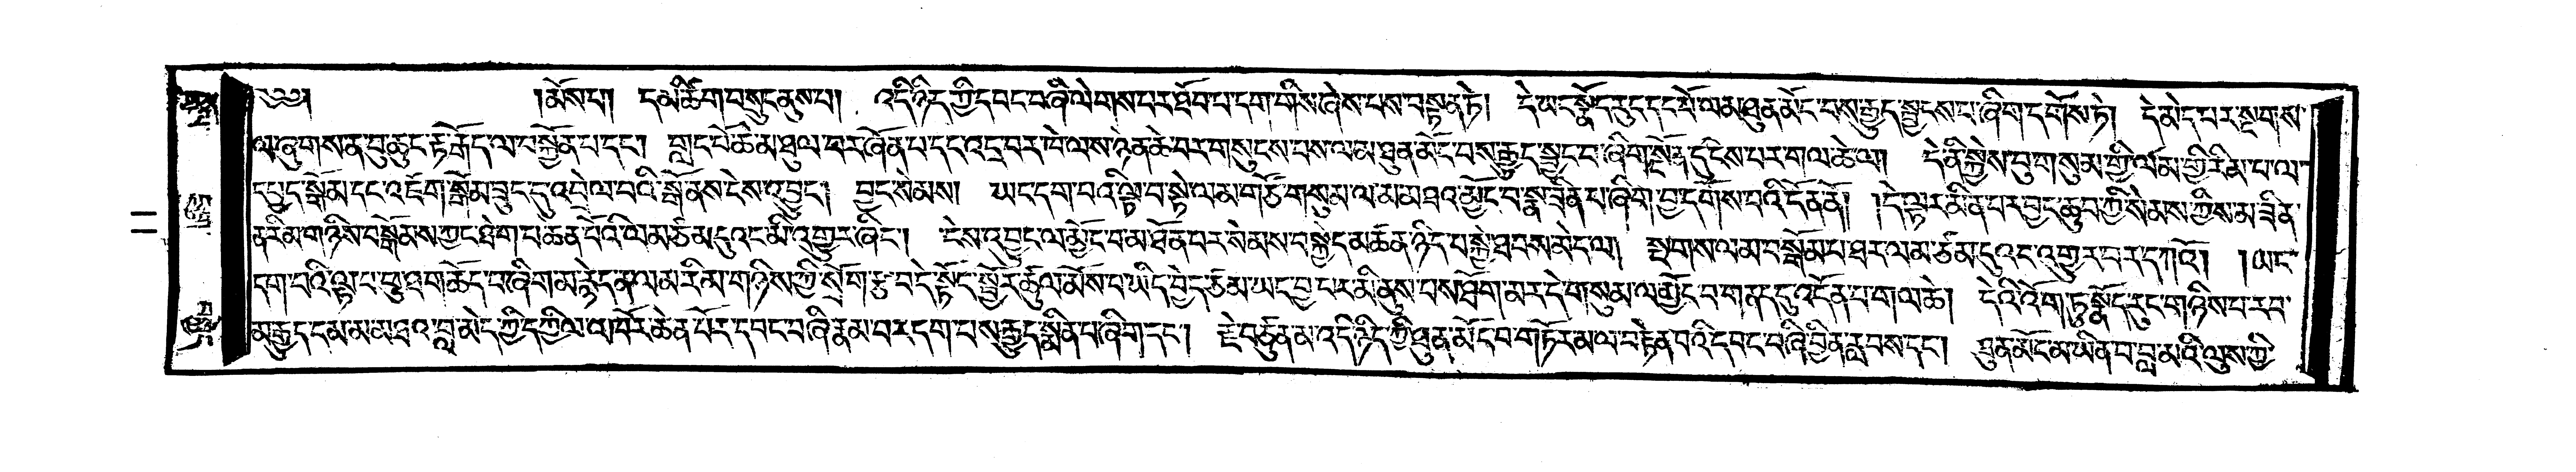༄༅། །མོས་པ། དམ་ཚིག་བསྲུང་ནུས་པ། །འདི་ཉིད་ཀྱི་དབང་བཞི་ལེགས་པར་ཐོབ་པ་དག་གིས་ཞེས་པས་བསྟན་ཏེ། དེ་ཡང་སྣོད་རུང་དང་པོ་ལ་མཐུན་མོང་བས་རྒྱུད་སྦྱངས་བ་ཞིག་དགོས་ཏེ། དེ་མེད་པར་སྔགས་
ལ་ཞུགས་ན་བུ་ཆུང་རྟ་རྒོད་ལ་བསྐྱོན་པ་དང་། གླང་པོ་ཆེ་མ་ཐུལ་བར་ཞོན་པ་དང་འདྲ་བར་ཁེ་ལས་ཉེན་ཆེ་བར་གསུངས་པས་ལམ་ཐུན་མོང་བས་རྒྱུད་སྦྱངས་པ་ཞིག་སྔོན་དུ་ངེས་པར་གལ་ཆེ་ལ། དེ་ནི་སྐྱེས་བུ་གསུམ་གྱི་ལམ་གྱི་རིམ་པ་ལ་
དཔྱད་སྒོམ་དང་འཇོག་སྒོམ་ཟུང་དུ་འབྲེལ་བའི་སྒོ་ནས་ངེས་འབྱུང་། བྱང་སེམས། ཡང་དག་པའི་ལྟ་བ་སྟེ་ལམ་གཙོ་གསུམ་ལ་མ་མཐའ་མྱོང་བ་སྣེ་ཟིན་པ་ཞིག་བྱ་དགོས་པའི་དོན་ནོ། །དེ་ལྟར་མིན་པར་བྱང་ཆུབ་ཀྱི་སེམས་ཀྱིས་མ་ཟིན་
ན་རིམ་གཉིས་བསྒོམས་ཀྱང་ཐེག་པ་ཆེན་པོའི་ལམ་ཙམ་དུའང་མི་འགྱུར་ཞིང་། ངེས་འབྱུང་ལ་མྱོང་བ་མ་ཐོན་པར་སེམས་བསྐྱེད་མཚན་ཉིད་པ་སྐྱེ་ཐབས་མེད་ལ། སྔགས་ལམ་བསྒོམ་པ་ཐར་ལམ་ཙམ་དུའང་འགྱུར་བར་དཀའོ། །ཡང་
དག་པའི་ལྟ་བ་ཕུ་ཐག་ཆོད་པ་ཞིག་མ་རྙེད་ན་ལམ་རིམ་གཉིས་ཀྱི་སྲོག་རྩ་བདེ་སྟོང་སྦྱོར་ཚུལ་མོས་པ་ཡིད་བྱེད་ཙམ་ཡང་བྱ་བར་མི་ནུས་པས་ཐོག་མར་དེ་གསུམ་ལ་མྱོང་བ་གནད་དུ་འདོན་པ་གལ་ཆེ། དེའི་འོག་ཏུ་སྣོད་རུང་གཉིས་བ་རབ་
མ་རྒྱུད་དམ་མ་མཐའ་བླ་མེད་ཀྱི་དཀྱིལ་འཁོར་ཆེན་པོར་དབང་བཞི་རྣམ་པར་དག་པས་རྒྱུད་སྨིན་པ་ཞིག་དང་། རྗེ་བཙུན་མ་འདི་ཉིད་ཀྱི་ཐུན་མོང་བ་གཏོར་ན་ལ་བརྟེན་པའི་དབང་བཞི་བྱིན་རླབས་དང་། ཐུན་མོང་མ་ཡིན་པ་བླ་མའི་ལུས་ཀྱི་